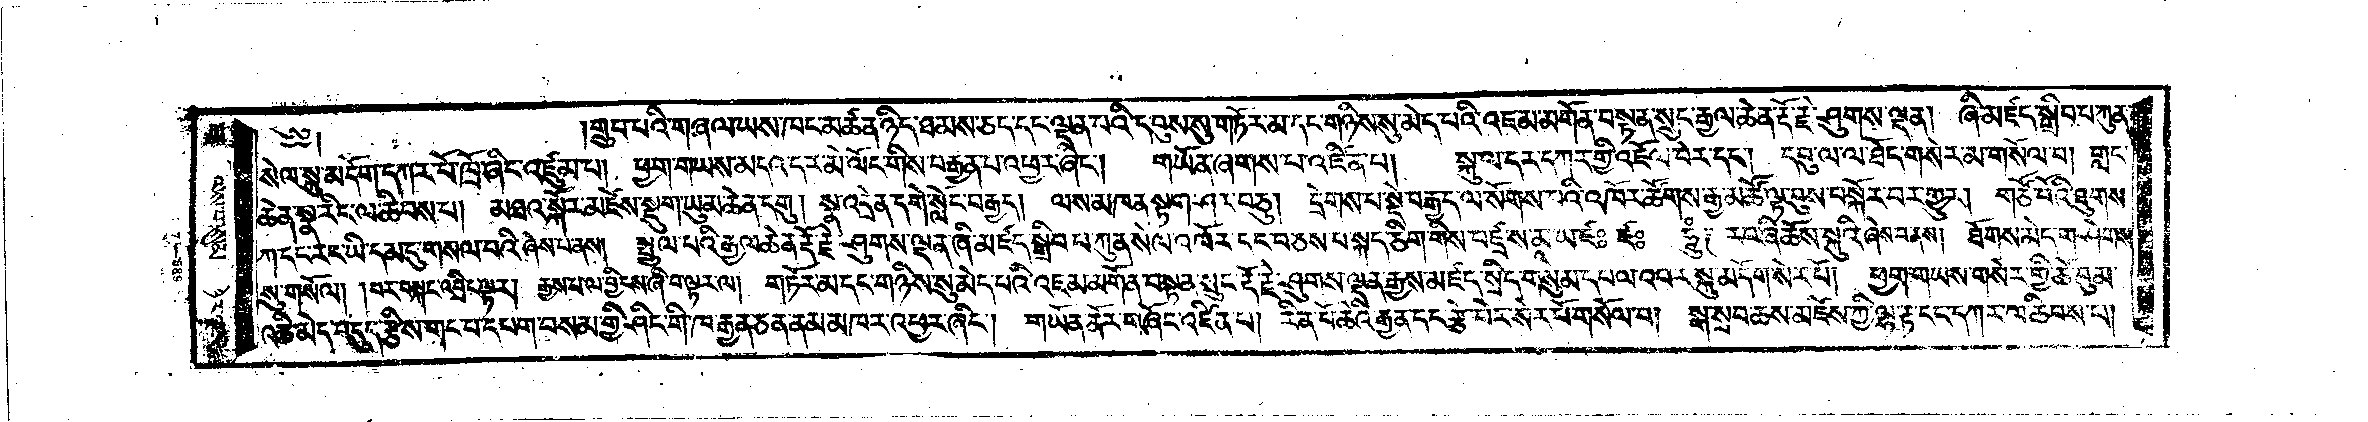༄༅། །གྲུབ་པའི་གཞལ་ཡས་ཁང་མཚན་ཉིད་ཐམས་ཅད་དང་ལྡན་པའི་དབུས་སུ་གཏོར་མ་དང་གཉིས་སུ་མེད་པའི་འཇམ་མགོན་བསྟན་སྲུང་རྒྱལ་ཆེན་རྡོ་རྗེ་ཤུགས་ལྡན། ཞི་མཛད་སྒྲིབ་པ་ཀུན་
སེལ་སྐུ་མདོག་དཀར་པོ་ཁྲོ་ཞིང་འཛུམ་པ། ཕྱག་གཡས་མདའ་དར་མེ་ལོང་གིས་བརྒྱན་པ་འཕྱར་ཞིང་། གཡོན་ཞགས་པ་འཛིན་པ། སྐུལ་དར་དཀར་གྱི་འཇོལ་བེར་དང་། དབུ་ལ་ལ་ཐོད་གསེར་མ་གསོལ་བ། གླང་
ཆེན་སྣ་རིང་ལ་ཆིབས་པ། མཐའ་སྐོར་མཛེས་སྡུག་ཡུམ་ཆེན་དགུ། སྣ་འདྲེན་དགེ་སློང་བརྒྱད། ལས་མཁན་སྟག་ཤར་བཅུ། དྲེགས་པ་སྡེ་བརྒྱད་ལ་སོགས་པའི་འཁོར་ཚོགས་རྒྱ་མཚོ་ལྷ་བུས་བསྐོར་བར་གྱུར། གཙོ་བོའི་ཐུགས་
ཀ་དང་རང་ཡི་དམ་དུ་གསལ་བའི་ཞེས་པ་ནས། སྤྲུལ་པའི་རྒྱལ་ཆེན་རྡོ་རྗེ་ཤུགས་ལྡན་ཞི་མཛད་སྒྲིབ་པ་ཀུན་སེལ་འཁོར་དང་བཅས་པ་སྐད་ཅིག་གིས་བཛྲ་ས་མཱ་ཡ་ཛཿཛཿཧཱུཾ༑ རབ་ཞི་ཆོས་སྐུའི་ཞེས་པ་ནས། ཐོགས་མེད་གཤེགས་
སུ་གསོལ། །བར་བསྐང་འབྲིང་ལྟར། རྒྱས་པ་ལ་བྱིངས་ཞི་བ་ལྟར་ལ། གཏོར་མ་དང་གཉིས་སུ་མེད་པའི་འཇམ་མགོན་བསྟན་སྲུང་རྡོ་རྗེ་ཤུགས་ལྡན་རྒྱས་མཛད་སྲིད་གསུམ་དཔལ་འབར་སྐུ་མདོག་སེར་པོ། ཕྱག་གཡས་གསེར་གྱི་ཚེ་བུམ་
འཆི་མེད་བདུད་རྩིས་གང་བ་དཔག་བསམ་གྱི་ཤིང་གི་ཁ་རྒྱན་ཅན་ནམ་མཁར་འཕྱར་ཞིང་། གཡོན་ནོར་གཞོང་འཛིན་པ། རིན་པོ་ཆེའི་རྒྱན་དང་རྩེ་བོར་སེར་པོ་གསོལ་བ། སྒ་སྲབ་ཆས་མཛེས་ཀྱི་ལྷ་རྟ་ངང་དཀར་ལ་ཆིབས་པ།